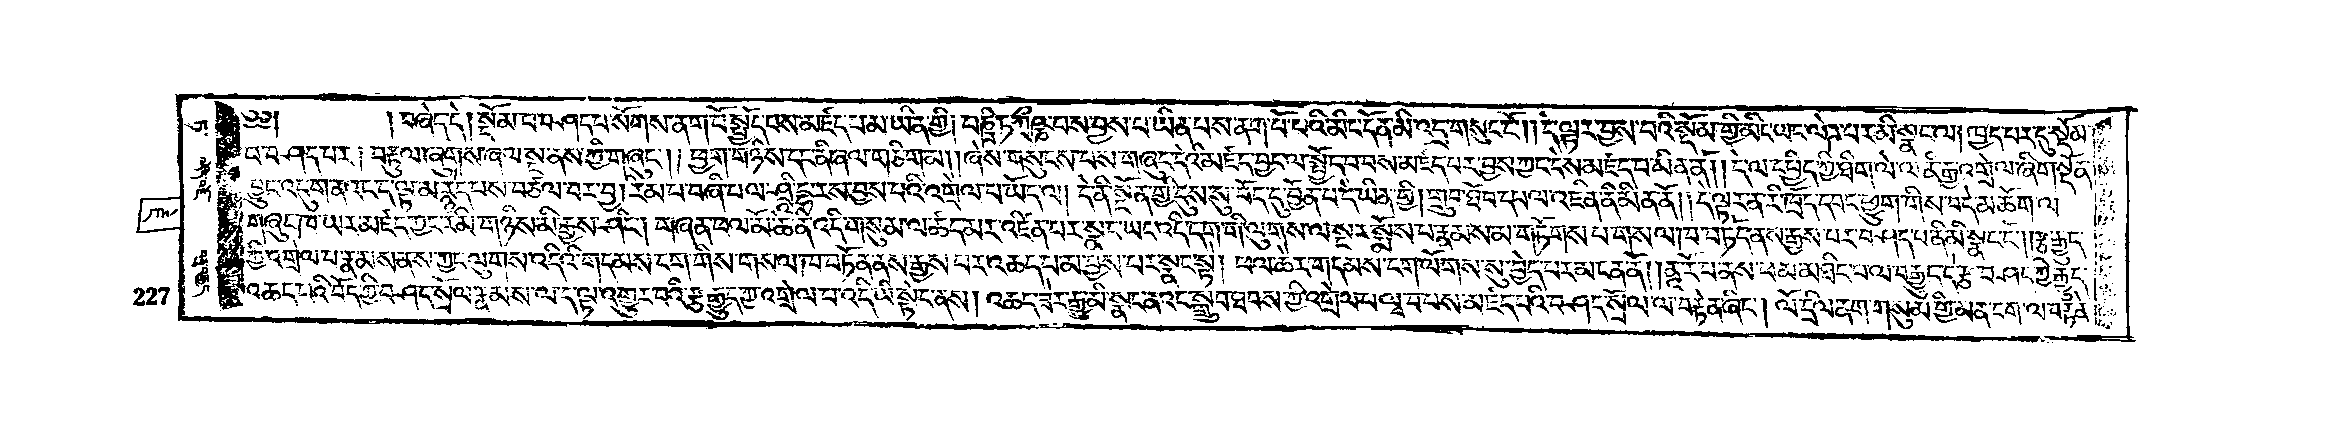༄༅། །བཞེད་དེ། སྡོམ་པ་བཤད་པ་སོགས་ནག་པོ་སྤྱོད་པས་མཛད་པ་མ་ཡིན་གྱི། པཎྜི་ཏ་ཀྲྀཥྞ་པས་བྱས་པ་ཡིན་པས་ནག་པོ་པའི་མིང་དོན་མི་འདྲ་གསུང་ངོ། །དེ་ལྟར་བྱས་པའི་སྡོམ་གྱི་མིང་ཡང་ལེགས་པར་མི་སྣང་ལ། ཁྱད་པར་དུ་སྡོམ་
པ་བཤད་པར། བརྟུལ་ཞུགས་ཞལ་སྔ་ནས་ཀྱི་གཞུང་། །ཕྱག་གཉིས་དང་ནི་ཞལ་གཅིག་མ། །ཞེས་གསུངས་པས་གཞུང་དེའི་མཛད་བྱང་ལ་སྤྱོད་པ་བས་མཛད་པར་བྱས་ཀྱང་དེས་མཛད་པ་མིན་ནོ། །དེ་ལ་དཔྱིད་ཀྱི་ཐིག་ལེ་ལ་ནི་རྒྱ་འགྲེལ་ཞིག་སྔོན་
བྱུང་འདུག་ནའང་དེ་ལྟ་མྲྙེད་པས་བཙལ་བར་བྱ། རིམ་པ་བཞི་པ་ལ་ཤྲཱི་དྷ་རས་བྱས་པའི་འགྲེལ་པ་ཡོད་ལ། དེ་ནི་སྔོན་གྱི་དུས་སུ་བོད་དུ་བྱོན་པ་དེ་ཡིན་གྱི། གྲུབ་ཐོབ་དཔལ་འཛིན་ནི་མིན་ནོ། །དེ་ལྟར་ན་རི་ཁྲོད་དབང་ཕྱུག་གིས་བདེ་མཆོག་ལ་
གཞུང་ཁ་ཡར་མཛད་ཀྱང་རིམ་གཉིས་མི་རྒྱས་ཤིང་། གཞན་ཕལ་མོ་ཆེ་ནི་འདི་གསུམ་ལ་ཚད་མར་འཛིན་པར་སྣང་ཡང་འདི་དག་གི་ལུགས་ལ་སྔར་སྨོས་པ་རྣམས་མ་གཏོགས་པ་གསལ་ཁ་བཏོད་ནས་རྒྱས་པར་བཤད་པ་ནི་མི་སྣང་ངོ། །རྩ་རྒྱུད་
ཀྱི་འགྲེལ་པ་རྣམས་ནས་ཀྱང་ལུགས་འདིའི་གདམས་ངག་གིས་གསལ་ཁ་བཏོན་ནས་རྒྱས་པར་འཆད་པ་མ་བྱས་པར་སྣང་སྟེ། ཕལ་ཆེར་གདམས་ངག་ལོགས་སུ་བྱེད་པར་མངོན་ནོ། །ནཱ་རོ་པ་ནས་ཕམ་མཐིང་པ་ལ་བརྒྱུད་དེ་རྩ་བཤད་ཀྱི་རྒྱུད་
འཆད་པའི་བོད་ཀྱི་བཤད་སྲོལ་རྣམས་ལ་ད་ལྟ་འགྱུར་བའི་རྩ་རྒྱུད་ཀྱི་འགྲེལ་པ་འདི་ཡི་སྟེང་ནས། འཆད་ཟེར་རྒྱུ་མི་སྣང་ནའང་སྒྲུབ་ཐབས་ཀྱི་འགྲེལ་པ་ལྭ་བ་པས་མཛད་པའི་བཤད་སྲོལ་ལ་བརྟེན་ཞིང་། ལོ་དྲིལ་ནག་གསུམ་གྱི་མན་ངག་ལ་བརྟེན་